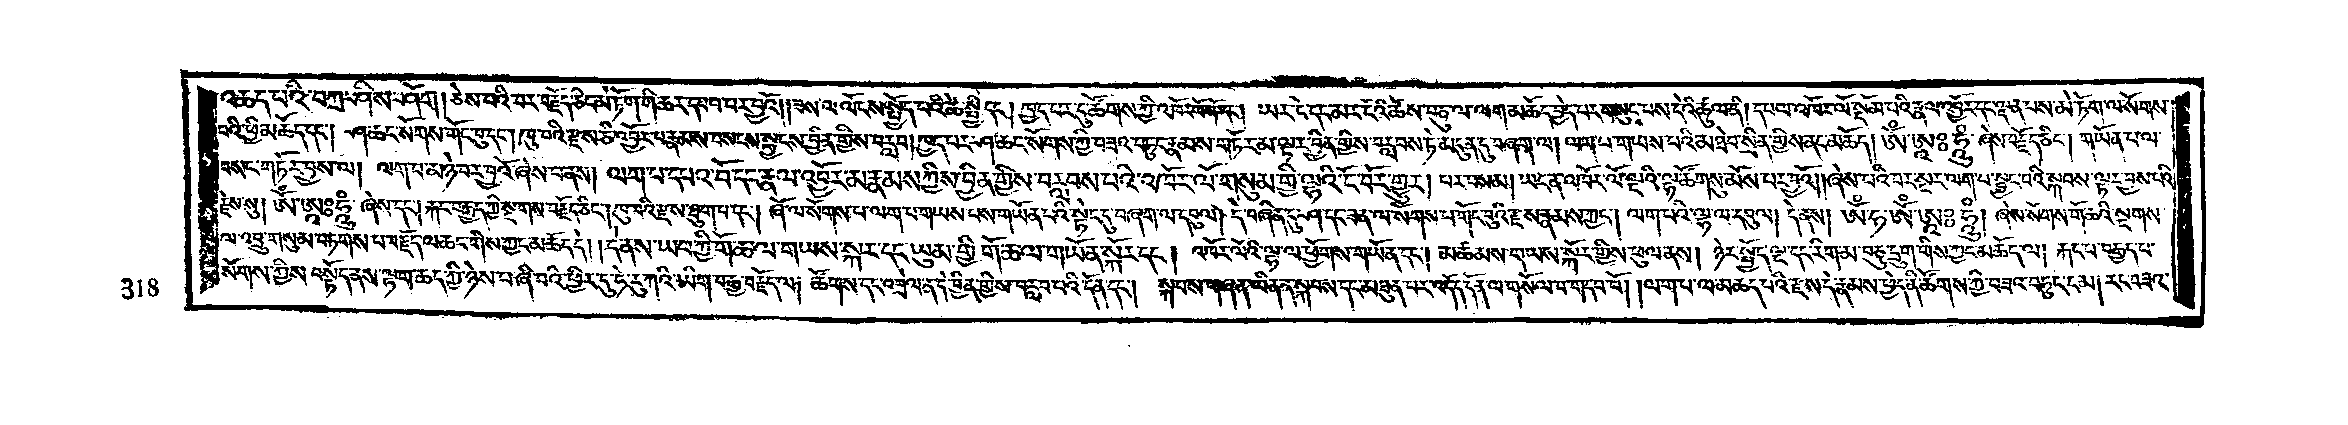འཆད་པའི་བཀྲ་ཤིས་ཤོག། ཅེས་པའི་བར་བརྗོད་ཅིང་མེ་ཏོག་གི་ཆར་དབབ་པར་བྱའོ། །ཟས་ལ་ལོངཧས་སྤྱོད་པའི་ཚེ་སྤྱི་དང་། ཁྱད་པར་དུ་ཚོག་སྐྱི་འཁོར་ལོ་སོགས་དང་། ཡར་ངོ་དང་མར་ངོའི་ཚེས་བཅུ་ལ་ལག་མཆེད་བྱེད་པར་གསུངས་པས་དེའི་ཚུལ་ནི། དཔལ་འཁོར་ལོ་སྡོམ་པའི་རྣལ་འབྱོར་དང་ལྡན་པས་མེ་ཏོག་ལ་སོགས་
པའི་ཕྱི་མཆོད་དང་། ཤ་ཚང་སོགས་གོང་བུ་དང་། ཁུ་བའི་རྫས་ཅི་འབྱོར་པ་རྣམས་བསངས་སྦྱངས་བྱིན་གྱིས་བརླབ། ཁྱད་པར་ཤ་ཆང་སོགས་ཀྱི་བཟའ་བཏུང་རྣམས་གཏོར་མ་ལྟར་བྱིན་གྱིས་བརླབས་ཏེ་མདུན་དུ་བཞག་ལ། ལག་པ་གཡས་པའི་མཐེབ་སྲིན་གྱིས་ནང་མཆོད། ཨོཾ་ཨཱཿ ཧཱུཾ་ཞེས་བརྗོད་ཅིང་། གཡོན་པ་ལ་
བསང་གཏོར་བྱས་ལ། ལག་པ་མཉེ་བར་བྱའོ། །ཞེས་པ་ནས། ལག་པ་དཔའ་བོ་དང་རྣལ་འབྱོར་མ་རྣམས་ཀྱིས་བྱིན་གྱིས་བརླབས་པའི་འཁོར་ལོ་གསུམ་གྱི་ལྷའི་ངོ་བོར་གྱུར། པར་བསམ། ཡང་ན་འཁོར་ལོ་ལྔའི་ལྷ་ཚོགས་སུ་མོས་པར་བྱའོ། །ཞེས་པའི་བར་སྔར་ལག་པ་སྦྱང་བའི་སྐབས་ལྟར་བྱས་པའི་
རྗེས་སུ། ཨོཾ་ཨཱཿ ཧཱུཾ་ཞེས་དང་། རྐང་བརྒྱད་ཀྱི་སྔགས་བརྗོད་ཅིང་། ཁུ་བའི་རྫས་ཐུག་པ་དང་། ཞོ་ལ་སོགས་པ་ལག་པ་གཡས་པས་གཡོན་པའི་སྟེང་དུ་བཞག་ལ་དབུལ། དེ་བཞིན་དུ་ཤ་དང་ཟན་ལ་སོགས་པ་གོང་བུའི་རྫས་རྣམས་ཀྱང་། ལག་པའི་ལྷ་ལ་དབུལ། དེ་ནས།  ཨོཾ་ཧ་ཨོཾ་ཨཱཿ ཧཱུཾ། ཞེས་སོགས་གོ་ཆའི་སྔགས་
ལ་འབྲུ་གསུམ་བཏགས་པ་བརྗོད་ལ་ཆང་གིས་ཀྱང་མཆོད་དེ། །དེ་ནས་ཡབ་ཀྱི་གོ་ཆ་ལ་གཡས་སྐོར་དང་ཡུམ་གྱི་གོ་ཆ་ལ་གཡོན་སྐོར་དང་། འཁོར་ལོའི་ལྷ་ལ་ཕྱོགས་གཡོན་དང་། མཚམས་གཡས་སྐོར་གྱིས་ཕུལ་ནས། ཉར་སྤྱོད་ལྔ་དང་རིག་མ་བཅུ་དྲུག་གས་ཀྱང་མཆོད་ལ། རྐང་པ་བརྒྱད་པ་
སོགས་ཀྱིས་བསྟོད་ནས་ལྷག་ཆད་ཀྱི་ཉེས་པ་ཞི་བའི་ཕྱིར་དུ་ཧེ་རུ་ཀའི་ཡིག་བརྒྱ་བརྗོད་ལ། ཚོགས་དང་འབྲེལ་ན་དེ་བྱིན་གྱིས་བརླབ་པའི་དོན་དང་། སྐབས་གཞན་ཡིན་ན་སྐབས་དང་མཐུན་པར་འདད་དོན་ལ་གསོལ་བ་གདབ་བོ། །ལག་པ་ལ་མཆད་པའི་རྫས་དེ་རྣམས་ཕྱེད་ནི་ཚོགས་ཀྱི་བཟའ་བཏུང་ངམ། རང་བཟའ་